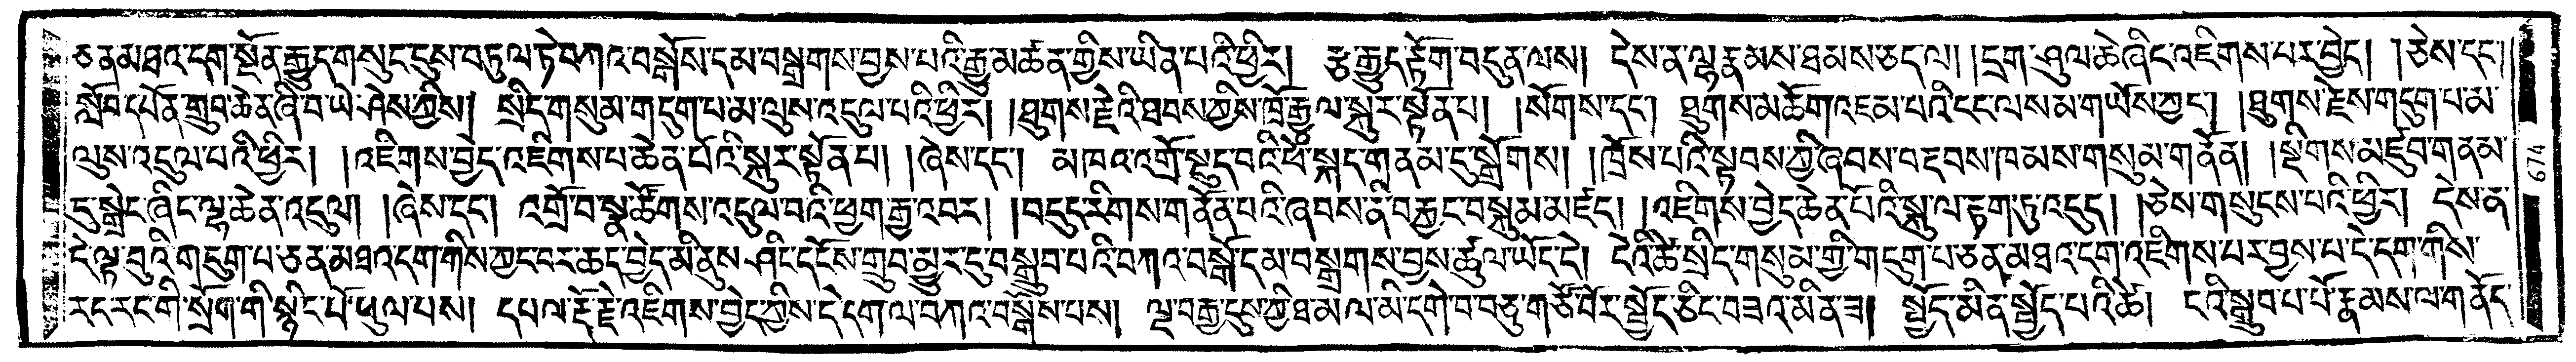ཅན་མཐའ་དག་སྔོན་རྒྱུད་གསུང་དུས་བཏུལ་ཏེ་བཀའ་བསྒོས་དམ་བསྒྲགས་བྱས་པའི་རྒྱུ་མཚན་གྱིས་ཡིན་པའི་ཕྱིར། རྩ་རྒྱུད་རྟོག་བདུན་ལས། དེས་ན་ལྷ་རྣམས་ཐམས་ཅད་ལ། །དྲག་ཤུལ་ཆེ་ཞིང་འཇིགས་པར་བྱེད། །ཅེས་དང་།
སློབ་དཔོན་གྲུབ་ཆེན་ཞི་བ་ཡེ་ཤེས་ཀྱིས། སྲིད་གསུམ་གདུག་པ་མ་ལུས་འདུལ་པའི་ཕྱིར། །ཐུགས་རྗེའི་ཐབས་ཀྱིས་ཁྲོ་རྒྱལ་སྐུར་སྟོན་པ། །སོགས་དང་། ཐུགས་མཆོག་འཇམ་པའི་ངང་ལས་མ་གཡོས་ཀྱང་། །ཐུགས་རྗེས་གདུག་པ་མ་
ལུས་འདུལ་བའི་ཕྱིར། །འཇིགས་བྱེད་འཇིགས་པ་ཆེན་པོའི་སྐུར་སྟོན་པ། །ཞེས་དང་། མཁའ་འགྲོ་སྡུད་བའི་ཕེཾ་སྐད་གནམ་དུ་སྒྲོགས། །ཁྲོས་པའི་སྟབས་ཀྱི་ཞབས་བརྡབས་ཁམས་གསུམ་གནོན། །སྡིགས་མཛུབ་གནམ་
དུ་སྒྲེང་ཞིང་ལྷ་ཆེན་འདུལ། །ཞེས་དང་། འགྲོ་བ་སྣ་ཚོགས་འདུལ་བའི་ཕྱག་རྒྱ་འབར། །བདུད་རིགས་གནོན་པའི་ཞབས་ནི་བརྐྱང་བསྐུམ་མཛད། །འཇིགས་བྱེད་ཆེན་པོའི་སྐུ་ལ་རྟག་ཏུ་འདུད། །ཅེས་གསུངས་པའི་ཕྱིར། དེས་ན་
དེ་ལྟ་བུའི་གདུག་པ་ཅན་མཐའ་དག་གིས་ཀྱང་བར་ཆད་བྱེད་མི་ནུས་ཤིང་དངོས་གྲུབ་མྱུར་དུ་བསྒྲུབ་པའི་བཀའ་བསྒོ་དམ་བསྒྲགས་བྱས་ཚུལ་ཡོད་དེ། དེའི་ཚེ་སྲིད་གསུམ་གྱི་གདུག་པ་ཅན་མཐའ་དག་འཇིགས་པར་བྱས་པ་དེ་དག་གིས་
རང་རང་གི་སྲོག་གི་སྙིང་པོ་ཕུལ་པས། དཔལ་རྡོ་རྗེ་འཇིགས་བྱེད་ཀྱིས་དེ་དག་ལ་བཀའ་བསྒོས་པས། ལྔ་བརྒྱ་དུས་ཀྱི་ཐ་མལ་མི་དགེ་བ་བཅུ་གཙོ་བོར་སྤྱོད་ཅིང་བཟའ་མིན་ཟ། སྤྱོད་མིན་སྤྱོད་པའི་ཚེ། ངའི་སྒྲུབ་པ་པོ་རྣམས་ལ་གནོད་